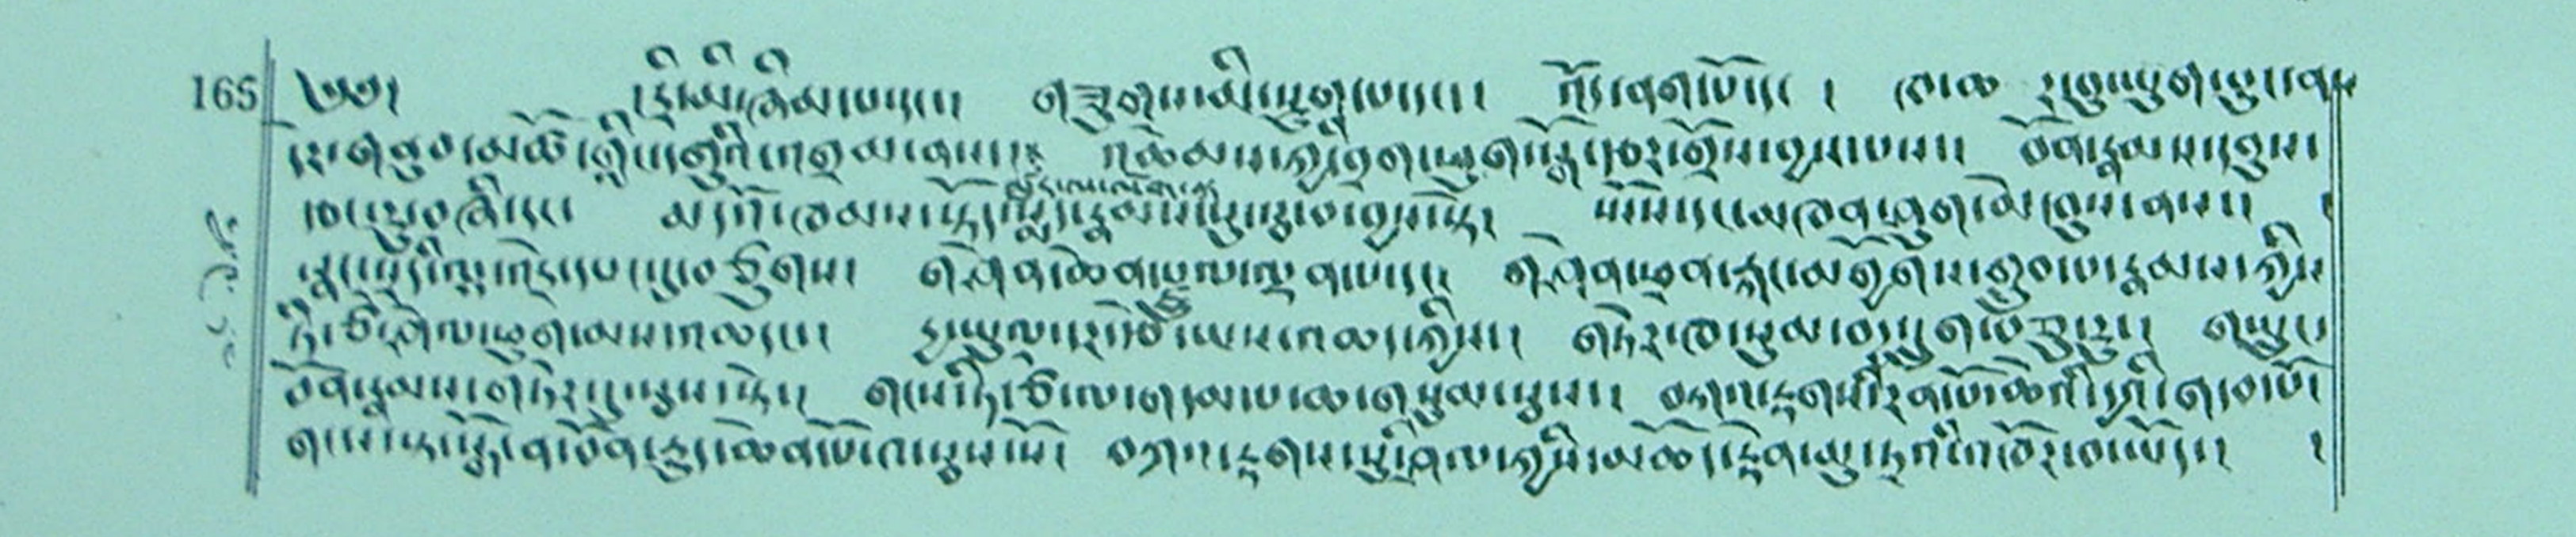༄༅། །དྲི་མི་ཞིམ་པ་དང་། གཟུགས་མི་སྡུག་པ་དང་། འོད་ནག་པོ་དང་། ཁ་ཆར་བུ་ཡུག་བྱུང་ནས། 
དེར་གནུབ་མཚོ་གླིང་དགུའི་འགྲམ་ནས། ཚུར་ལ་ལོག་ནས་འཆེམས་གྱི་བྲག་ཕུག་སྒོ་རྩར་གྲོས་བྱས་པས། བོན་རྣམས་དབུས་
རྩང་རུ་བཞི་དང་། མདོ་ཁམས་སྟོད་སྨད་རྣམས་སུ་སྦ་བ་བྱས་ཏེ། སྤོས་དང་མཁན་ཤུག་མེ་དབུས་ནས། 
སྣང་སྲིད་ལྷ་འདྲེ་དཔང་དུ་བཙུགས། གཤེན་ཆེན་རྫུ་འཕྲུལ་ལྡན་པ་དང་། གཤེན་ཕྲན་རྐང་མགྱོགས་གྲུབ་པ་རྣམས་ཀྱིས་
ཏི་ཙེ་ཤེལ་ཕུག་མས་ཆད་དང་། རྒྱ་ཡུལ་དར་རྩེ་ཡས་ཆད་ཀྱིས། གཏེར་ཁ་སུམ་བརྒྱ་དྲུག་བཅུ་རུ། གཡུང་དྲུང་
བོན་རྣམས་གཏེར་དུ་སྦས་ཏེ། གངས་ཏེ་ཙེ་ལ་གདམ་པ་ཆ་གསུམ་སྦས། བཀའ་རྟགས་རིན་པོ་ཆེའི་རྒྱའི་གདབ་བོ། 
།གངས་སྟ་སྒོ་བོན་རྒྱུད་ཆེན་པོ་བཞི་སྦས་སོ། །བཀའ་རྟགས་སུ་ཤེལ་གྱི་མཆོད་རྟེན་མུ་ཏྲའི་འཁོར་བ་ཡོད།